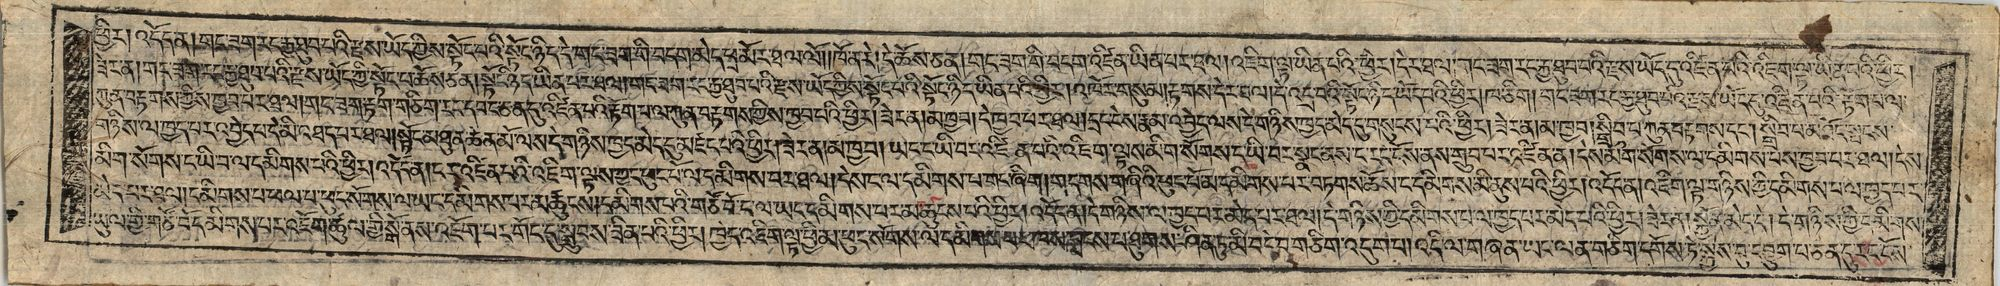ཕྱིར། འདོད་ན། གང་ཟག་རང་རྐྱ་ཐུབ་པའི་རྫས་ཡོད་ཀྱིས་སྟོང་པའི་སྟོང་ཉིད་དེ་གང་ཟག་གི་བདག་མེད་ཕྲ་མོར་ཐལ་ལོ། །ཁོ་ན་རེ། དེ་ཆོས་ཅན། གང་ཟག་གི་བདག་འཛིན་ཡིན་པར་ཐལ། འཇིག་ལྟ་ཡིན་པའི་ཕྱིར། དེར་ཐལ། གང་ཟག་རང་རྐྱ་ཐུབ་པའི་རྫས་ཡོད་དུ་འཛིན་པའི་འཇིག་ལྟ་ཡིན་པའི་ཕྱིར།
ཟེར་ན། གང་ཟག་རང་རྐྱ་ཐུབ་པའི་རྫས་ཡོད་ཀྱི་སྟོང་པ་ཆོས་ཅན། སྟོང་ཉིད་ཡིན་པར་ཐལ། གང་ཟག་རང་རྐྱ་ཐུབ་པའི་རྫས་ཡོད་ཀྱིས་སྟོང་པའི་སྟོང་ཉིད་ཡིན་པའི་ཕྱིར། འཁོར་གསུམ། རྟགས་དེར་ཐལ། དེ་འདྲ་བའི་སྟོང་ཉིད་ཡོད་པའི་ཕྱིར། ཁ་ཅིག །གང་ཟག་རང་རྐྱ་ཐུབ་པའི་རྫས་ཡོད་དུ་འཛིན་པའི་རྟོག་པ་ལ་
ཀུན་བརྟགས་ཀྱིས་ཁྱབ་པར་ཐལ། གང་ཟག་རྟག་གཅིག་རང་དབང་ཅན་དུ་འཛིན་པའི་རྟོག་པ་ལ་ཀུན་བརྟགས་ཀྱིས་ཁྱབ་པའི་ཕྱིར། ཟེར་ན། མ་ཁྱབ། དེ་ཁྱབ་པར་ཐལ། དྲང་ངེས་རྣམ་འབྱེད་ལས་དེ་གཉིས་ཁྱད་མེད་དུ་གསུངས་པའི་ཕྱིར། ཟེར་ན། མ་ཁྱབ། སྒྲིབ་པ་ཀུན་བརྟགས་དང་། སྒྲིབ་པ་མཐོང་སྤངས་
གཉིས་ལ་ཁྱད་པར་འབྱེད་པ་དེ་མི་འཐད་པར་ཐལ། སྟོང་མཐུན་ཆེན་མོ་ལས་དེ་གཉིས་ཁྱད་མེད་དུ་མཛད་པའི་ཕྱིར། ཟེར་ན། མ་ཁྱབ། ཡང་ང་ཡི་བར་འཛིན་པའི་འཇིག་ལྟས་མིག་སོགས་ང་ཡི་བར་སྣང་ནས་ང་རང་ངོས་ནས་གྲུབ་པར་འཛིན་ན། དེས་མིག་སོགས་ལ་དམིགས་པས་ཁྱབ་པར་ཐལ། དེས་
མིག་སོགས་ང་ཡི་བ་ལ་དམིགས་པའི་ཕྱིར། འདོད་ན། ངར་འཛིན་པའི་འཇིག་ལྟས་ཀྱང་ཕུང་པོ་ལ་དམིགས་པར་ཐལ། དེས་ང་ལ་དམིགས་པ་གང་ཞིག །གདགས་གཞིའི་ཕུང་པོ་མ་དམིགས་པར་བཏགས་ཆོས་ང་དམིགས་མི་ནུས་པའི་ཕྱིར། འདོད་ན། འཇིག་ལྟ་གཉིས་ཀྱི་དམིགས་པ་ལ་ཁྱད་པར་
མེད་པར་ཐལ། དམིགས་པ་ཕལ་པ་ཕུང་སོགས་ལ་ཡང་དམིགས་པར་མཚུངས། དམིགས་པའི་གཙོ་བོ་ང་ལ་ཡང་དམིགས་པར་མཚུངས་པའི་ཕྱིར། འདོད་ན། དེ་གཉིས་ལ་ཁྱད་པར་མེད་པར་ཐལ། དེ་གཉིས་ཀྱི་དམིགས་པ་ལ་ཁྱད་པར་མེད་པའི་ཕྱིར། ཟེར་ན། སྐྱོན་མེད་དེ། དེ་གཉིས་ཀྱི་དམིགས་
ཡུལ་གྱི་གཙོ་བོ་དམིགས་པར་འཇོག་ཚུལ་གྱི་སྒོ་ནས་འཇོག་པར་གོང་དུ་སྒྲུབསྯིན་པའི་ཕྱིར། ཁྱེད་འཇིག་ལྟ་ཕྱི་མ་ཕུང་སོགས་ལ་དམིགས་པར་ཁས་བླངས་པ་ཐུགས་ཤིན་ཏུ་མི་བདེ་བ་གཅིག་འདུག་པ། འདི་ལ་གཞན་ཡང་ལན་གཅིག་དགོས་ཏེ་སྐྱེས་བུ་དབྱུག་པ་ཅན་དུ་རང་ངོས་